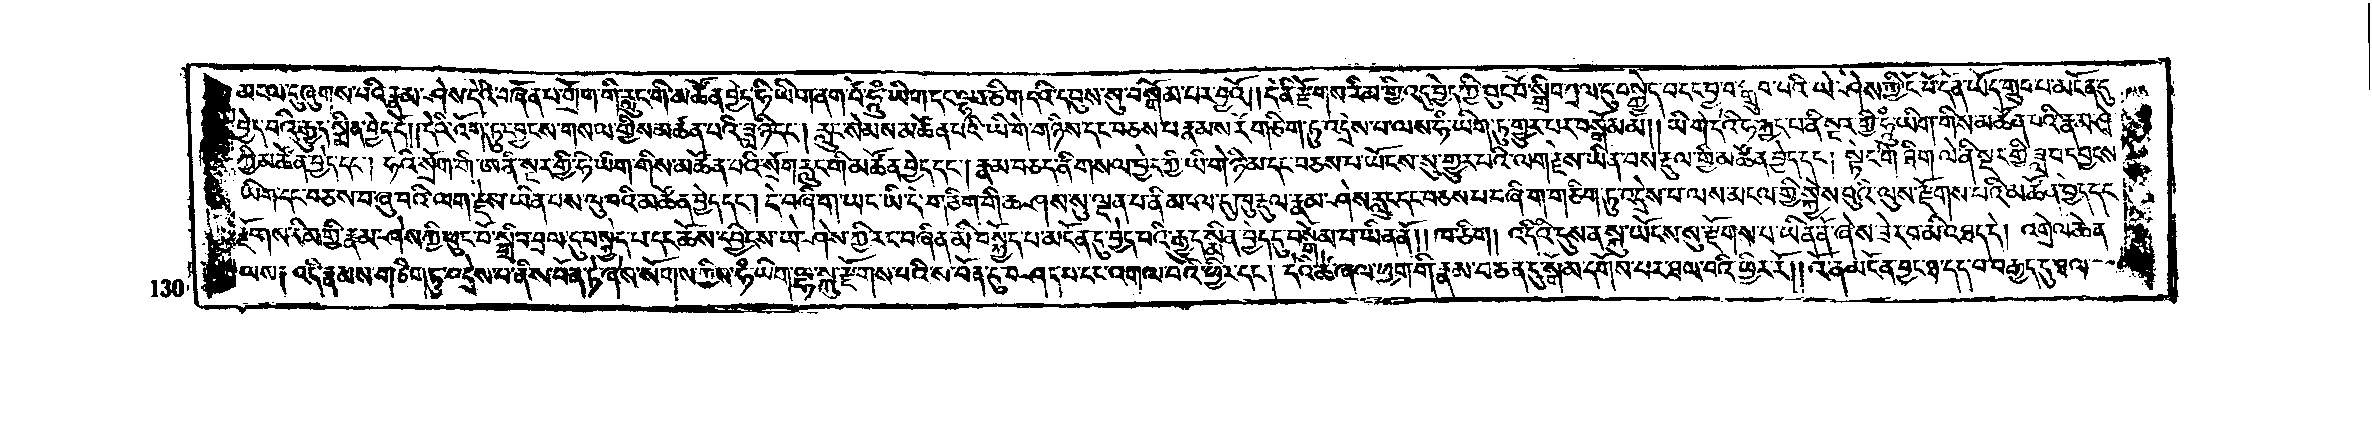མངལ་དུ་ཞུགས་པའི་རྣམ་ཤེས་དེའི་བཞོན་པ་གྲོག་གི་རླུང་གི་མཚོན་བྱེད་ཧི་ཡིག་ནག་པོ་ཧཱུཾ་ཡིག་དང་ལྷན་ཅིག་དེའི་དབུས་སུ་བསྒོམ་པར་བྱའོ། །དེ་ནི་རྫོགས་རིམ་གྱི་འདུ་བྱེད་ཀྱི་ཕུང་པོ་སྒྲིབ་བྲལ་དུ་བསྐྱེད་པ་དང་བྱ་བ་སྒྲུབ་པའི་ཡེ་ཤེས་ཀྱི་ངོ་བོ་དོན་ཡོད་སྒྲུབ་པ་མངོན་དུ་
བྱེད་པའི་རྒྱུད་སྨིན་བྱེད་དོ། །དེའི་འོག་ཏུ་དབྱངས་གསལ་གྱིས་མཚན་པའི་ཟླ་ཉིད་དང་། རླུང་སེམས་མཚོན་པའི་ཡི་གེ་གཉིས་དང་བཅས་པ་རྣམས་རོ་གཅིག་ཏུ་འདྲེས་པ་ལས་ཧཾ་ཡིག་ཏུ་གྱུར་པར་བསྒོམ་མོ། །ཡི་གེ་དེའི་ཧ་རྐྱང་བ་ནི་སྔར་གྱི་ཧཱུཾ་ཡིག་གིས་མཚོན་པའི་རྣམ་ཤེས་
ཀྱི་མཚོན་བྱེད་དང་། ཧའི་སྲོག་གི་ཨ་ནི་སྔར་གྱི་ཧི་ཡིག་གིས་མཚོན་པའི་སྲོག་རླུང་གི་མཚོན་བྱེད་དང་། རྣམ་བཅད་ནི་གསལ་བྱེད་ཀྱི་ཡི་གེ་ཉི་མ་དང་བཅས་པ་ཡོངས་སུ་གྱུར་པའི་ལག་རྗེས་ཡིན་པས་རྡུལ་གྱི་མཚོན་བྱེད་དང་། སྟེང་གི་ཐིག་ལེ་ནི་སྔར་གྱི་ཟླ་བ་དབྱངས་
ཡིག་དང་བཅས་པ་ཞུ་བའི་ལག་རྗེས་ཡིན་པས་ལུ་བའི་མཚོན་བྱེད་དང་། དེ་བཞི་ག་ཡང་ཡི་དེ་གཅིག་གི་ཆ་ཤས་སུ་ལྡན་པ་ནི་མངལ་དུ་ཁུ་རྡུལ་རྣམ་ཤེས་རླུང་དང་བཅས་པ་བཞི་ག་གཅིག་ཏུ་འདྲེས་པ་ལས་མངལ་གྱི་སྐྱེས་བུའི་ལུས་རྫོགས་པའི་མཚོན་བྱེད་དང་
རྫོགས་རིམ་གྱི་རྣམ་ཤེས་ཀྱི་ཕུང་པོ་སྒྲིབ་བྲལ་དུ་བསྐྱེད་པ་དང་ཆོས་དབྱིངས་ཡེ་ཤེས་ཀྱི་རང་བཞིན་མི་བསྐྱོད་པ་མངོན་དུ་བྱེད་པའི་རྒྱུད་སྨིན་བྱེད་དུ་བསྒོམ་པ་ཡིན་ནོ། །ཁ་ཅིག །འདིའི་དུས་ན་སྐུ་ཡོངས་སུ་རྫོགས་པ་ཡིན་ནོ་ཞེས་ཟེར་བ་མི་འཐད་དེ། འགྲེལ་ཆེན་
ལས། འདི་རྣམས་གཅིག་ཏུ་འདྲེས་པ་ནི་ས་བོན་ཏེ་ཞེས་སོགས་ཀྱིས་ཧཾ་ཡིག་ལྷ་སྐུ་རྫོགས་པའི་ས་བོན་དུ་བཤད་པ་དང་འགལ་བའི་ཕྱིར་དང་། དེའི་ཚེ་ཞལ་ཕྱག་གི་རྣམ་བཅན་དུ་སྒོམ་དགོས་པར་ཐལ་བའི་ཕྱིར་རོ། །འོ་ན་མངོན་བྱང་ཐ་དད་པ་བརྒྱད་དུ་ཐལ་